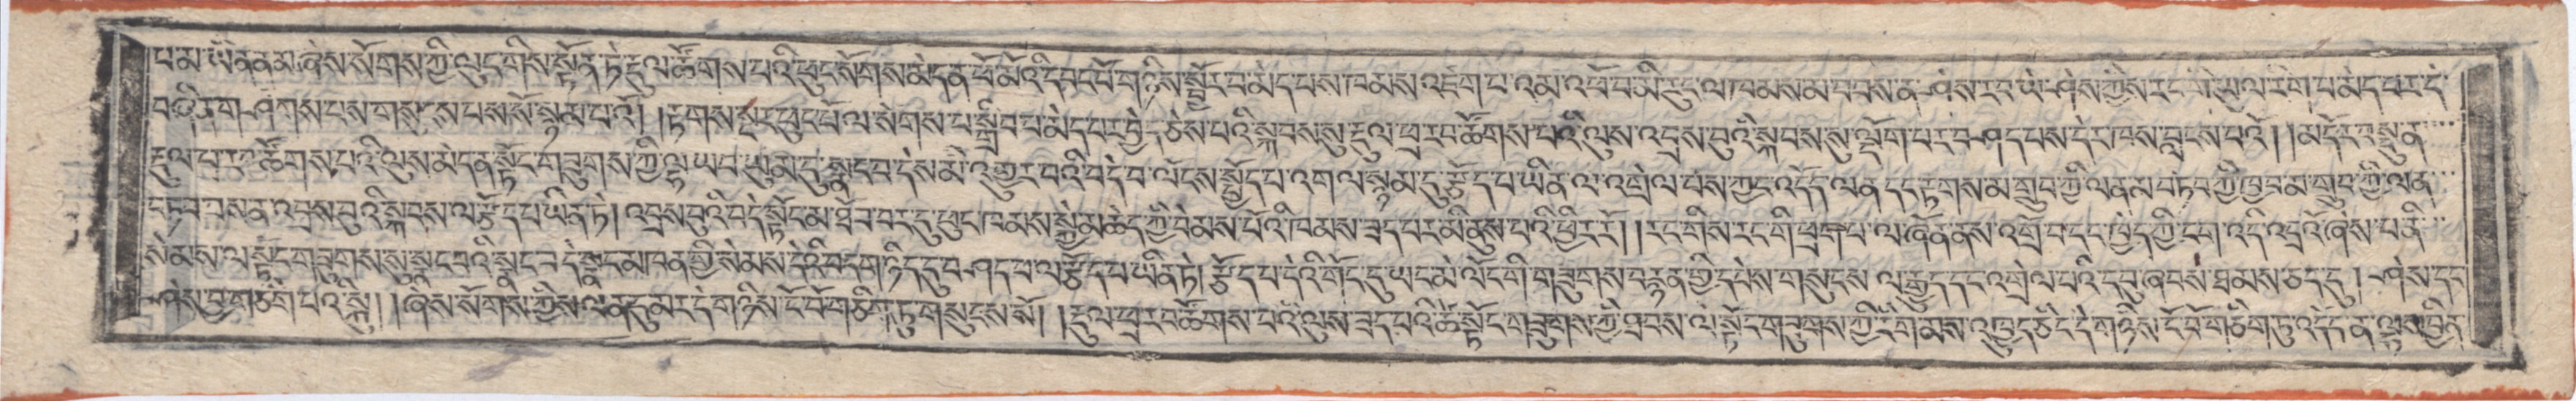པ་མ་ཡིན་ནམ་ཞེས་སོགས་ཀྱི་ལུང་གིས་སྟོན་ཏེ་རྡུལ་ཚོགས་པའི་ཕུང་སོགས་མེད་ན་ཕོ་མོའི་དབང་པོ་གཉིས་སྦྱོར་བ་མེད་པས་ཁམས་འཛག་པ་འམ་འཕོ་བ་མི་རུང་ལ་ཁམས་མ་བབས་ན་ཤེས་རབ་ཡེ་ཤེས་ཀྱིས་རང་གི་ཡུལ་རིག་པ་མེད་པར་དེ་
བཞིན་གཤེགས་པས་གསུངས་པས་སོ་སྙམ་པའོ། །རྟགས་སྔར་ཕུང་པོ་ལ་སོགས་པ་སྒྲིབ་པ་མེད་པར་བྱེད་ཅེས་པའི་སྐབས་སུ་རྡུལ་ཕྲ་རབ་ཚོགས་པའི་ལུས་འབྲས་བུའི་སྐབས་སུ་ལྡོག་པར་བཤད་པས་དེར་ཁས་བླངས་པའོ། །མདོར་བསྡུ་ན་
རྡུལ་ཕྲ་རབ་ཚོགས་པའི་ལུས་མེད་ན་སྟོང་གཟུགས་ཀྱི་ལྷ་ཡབ་ཡུམ་དུ་སྣང་བ་དེས་མི་འགྱུར་བའི་བདེ་བ་ལོངས་སྤྱོད་པ་འགལ་སྙམ་དུ་རྩོད་པ་ཡིན་ལ་འགྲེལ་པས་ཀྱང་འདོད་ལན་དང་རྟགས་མ་གྲུབ་ཀྱི་ལན་མ་བཏབ་ཀྱི་ཁྱབ་མ་གྲུབ་ཀྱི་ལན་
བཏབ་བས་ན་འབྲས་བུའི་སྐབས་ལ་རྩོད་པ་ཡིན་ཏེ། འབྲས་བུའི་བདེ་སྟོང་མ་ཐོབ་བར་དུ་ཕུང་ཁམས་སྐྱེ་མཆེད་ཀྱི་བེམས་པོའི་ཁམས་ཟད་པར་མི་ནུས་པའི་ཕྱིར་རོ། །རང་གིས་རང་གི་ཕྲག་པ་ལ་ཞོན་ནས་འགྲོ་བ་དང་ཁྱེད་ཀྱི་ངག་འདི་འདྲའོ་ཞེས་པ་ནི་
སེམས་ལ་སྟོང་གཟུགས་སུ་སྣང་བའི་སྣང་བ་དེ་སྣང་མཁན་གྱི་སེམས་དེའི་བདག་ཉིད་དུ་བཤད་པ་ལ་རྩོད་པ་ཡིན་ཏེ། རྩོད་པ་དེའི་གོང་དུ་ཡང་མེ་ལོང་གི་གཟུགས་བརྙན་གྱི་དཔེས་གསུངས་ལ་རྒྱུད་དང་འགྲེལ་པའི་དབུ་ཞབས་ཐམས་ཅད་དུ། ཤེས་དང་
ཤེས་བྱ་གཅིག་པའི་སྐུ། །ཞེས་སོགས་ཀྱིས་ལན་དུ་མར་དེ་གཉིས་ངོ་བོ་གཅིག་ཏུ་གསུངས་སོ། །རྡུལ་ཕྲ་རབ་ཚོགས་པའི་ལུས་ཟད་པའི་ཚེ་སྟོང་གཟུགས་ཀྱི་ཐབས་ལ་སྟོང་གཟུགས་ཀྱི་རིག་མས་འཁྱུད་ཅིང་དེ་གཉིས་ངོ་བོ་གཅིག་ཏུ་འདོད་ན་ལྷས་བྱིན་